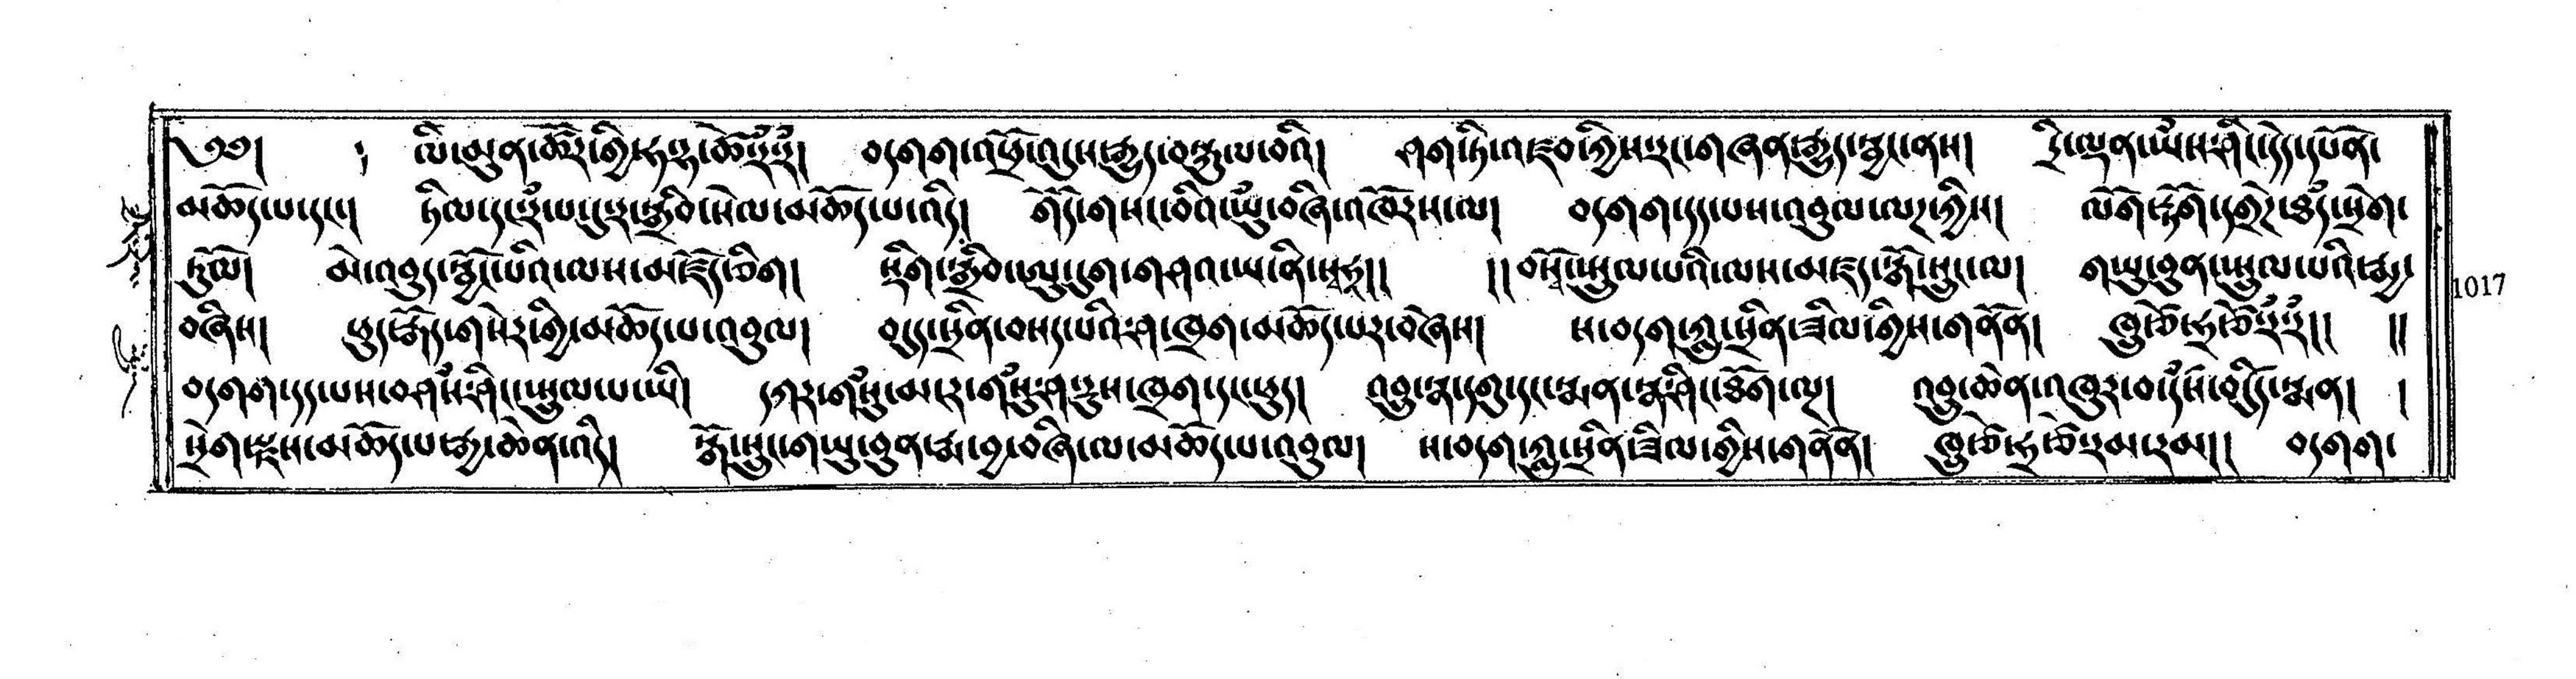ལི་མུན་ཚར་གྱི་ཧ་དྷ་ཚེ་རཾ་རཾ། བདག་ཅག་འཕྲོ་འདུས་རྒྱུད་བསྐུལ་བའི། ཤག་ཏི་འཛབ་ཀྱིས་རང་གཞན་རྒྱུད་སྦྱང་ནས། དྲི་ལྡན་ཡམས་ཤིང་དེད་དཔོན་
མཆོད་པ་དང་། ཏིལ་དང་རཾ་པ་དུ་ར་སྒྲིབ་སེལ་མཆོད་པ་འདི། གེ་ཁོད་གསང་བའི་ཡུམ་བཞི་འཁོར་བཅས་ལ། བདག་ཅག་དད་པས་འབུལ་ལགས་ཀྱིས། ལོག་རྟོག་དགྲ་བགེགས་ཐམས་ཅད་སྲེག་
ཏུ་གསོལ། མེ་འབུད་སྦྱོང་པའི་ལས་མཛོད་ཅིག སྡིག་སྒྲིབ་ཨུ་དུག་གཤའ་ཡ་ནི་སྭཧཱ།། །།བསྭོ་སྤྲུལ་པའི་ལས་མཛད་སྒོ་སྲུང་ལ། གཡུ་བུན་སྤྲུལ་པའི་རྨ་བྱ་
བཞིས། ཕུད་རྒོད་གསེར་གྱི་མཆོད་པ་འབུལ། བདུད་སྲིན་བསད་པའི་ཤ་ཁྲག་མཆོད་པར་བཞེས། ས་བདག་ཀླུ་སྲིན་ཟིལ་གྱིས་གནོན། ཁྲུ་ཙེ་ཧྲ་ཙེ་རཾ་རཾ།། 
བདག་ཅག་དད་པས་བཤམས་ཤིང་སྤྲུལ་པ་ཡི། དཀར་གསུམ་མངར་གསུམ་ཤ་རུས་ཁྲག་དང་ཕུད། འབྲུ་སྣ་དགུ་དང་སྨན་སྣ་ཤིང་ཐོག་ལྔ། འབྲུ་ཆེན་འཁུར་བ་དམ་རྫས་བདུད་རྩི་སྨན། 
སྲེག་རྫས་མཆོད་པ་རྒྱ་ཆེན་འདི། སྒོ་སྲུང་གཡུ་བུན་རྨ་བྱ་བཞི་ལ་མཆོད་པ་འབུལ། ས་བདག་ཀླུ་སྲིན་ཟིལ་གྱིས་གནོན། ཁྲུ་ཙེ་ཧྲ་ཙེ་རམ་རམ།། བདག་ཅག་